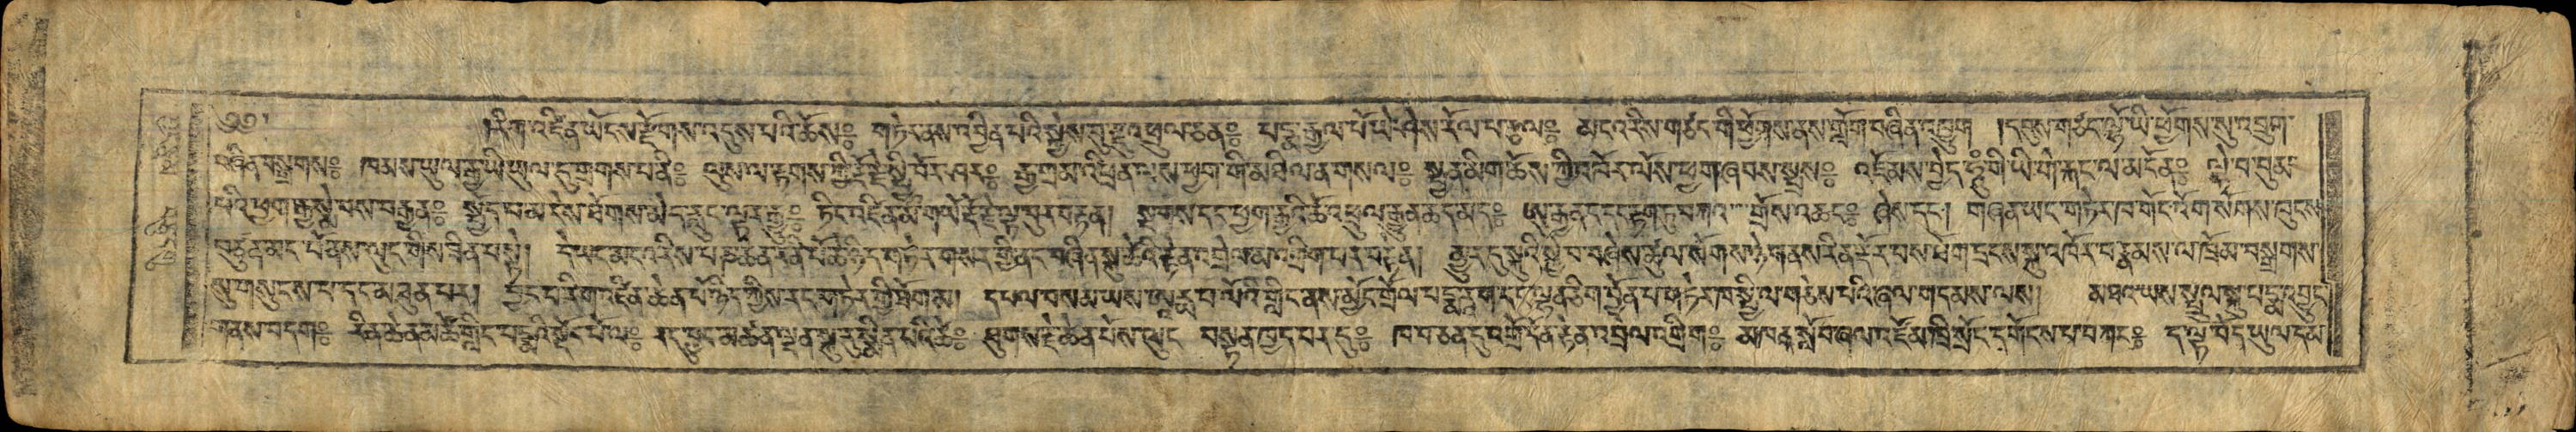༄༅། །རིག་འཛིན་ཡོངས་རྫོགས་འདུས་པའི་ཆོསཿ་གཏེར་ནས་འབྱིན་པའི་སྐྱེས་བུ་རྫུ་འཕྲུལ་ཅནཿ་པདམ་རྒྱལ་པོ་ཡེ་ཤེས་རོལ་བ་རྩལཿ་མངའ་རིས་གཙང་གི་ཕྱོགས་ནས་གློག་བཞིན་འཁྱུག །དབུས་གཙང་ལྷོ་ཡི་ཕྱོགས་སུ་འབྲུག་
བཞིན་བསྒྲགསཿ་ཁམས་ཡུལ་རྒྱ་ཡི་ཡུལ་དུ་གྲགས་པ་ནིཿ་ལུས་ལ་རྟགས་ཀྱི་རྡོ་རྗེ་སྤྱི་བོར་ཤརཿ་རྒྱ་གྲམ་འཕྲིན་ལས་ཕྱག་གི་མཐིལ་ན་གསལཿ་སྤྱན་མིག་ཆོས་ཀྱི་འཁོར་ལོས་ཕྱག་ཞབས་སྤྲསཿ་འཇོམས་བྱེད་ཧཱུཾ་གི་ཡི་གེ་རྐང་ལ་མངོནཿ་ལྟེ་བ་བུམ་
པའི་ཕྱག་རྒྱ་སྨེ་བས་བརྒྱནཿ་སྤྱོད་པ་མ་ངེས་ཐོགས་མེད་རླུང་ལྟར་རྒྱུཿ་ཏིང་འཛིན་མྀ་གཡོ་རྡོ་རྗེ་ལྟ་བུར་བརྟན། སྔགས་དང་ཕྱག་རྒྱའི་ཆོ་འཕྲུལ་རྒྱུན་ཆད་མེདཿ་ཨུ་རྒྱན་ང་དང་རྟག་ཏུ་བཀའ་གྲོས་འཆངཿ་ཞེས་དང་། གཞན་ཡང་གཏེར་ཁ་གོང་འོག་སོགས་ཁུངས་
བཙུན་མང་པོ་ནས་ལུང་གིས་ཟིན་པ་སྟེ། དེ་ཡང་མངའ་རིས་པཎ་ཆེན་རིན་པོ་ཆེ་ཉིད་གཏེར་གསར་གྱི་ནང་བཞིན་སྐུ་ཚེའི་རྟེན་འབྲེལ་མ་འགྲིག་པར་བརྟེན། མྱུར་དུ་སྐུའི་སྐྱེ་བ་བཞེས་ཚུལ་སོགས་ཉེ་གནས་རིན་རྡོར་བས་ཐོག་དྲངས་སྐུ་འཁོར་བ་རྣམས་ལ་ཁྲོམ་བསྒྲགས་
སུ་གསུངས་པ་དང་མཐུན་པར། བྱང་བ་རིག་འཛིན་ཆེན་པོ་ཉིད་ཀྱིས་རང་གཏེར་གྱི་ཐོག་མ། དཔལ་བསམ་ཡས་ཨཱརྱ་པ་ལོའི་གླིང་ནས་མྱོང་གྲོལ་པདམ་རཱ་ག་དང་ལྷན་ཅིག་བྱོན་པ་གཏེར་ཁ་སྤྱི་ལ་གཅེས་པའི་ཞལ་གདམས་ལས། མཐའ་ཡས་སྤྲུལ་སྐུ་པདམ་འབྱུང་
གནས་བདགཿ་རིན་ཆེན་མཚོ་གླིང་པདམའི་སྡོང་པོ་ལཿ་རང་བྱུང་མཚན་ལྡན་སྐུ་རུ་སྨིན་པའི་ཚེཿ་ཐུགས་རྗེ་ཆེན་པོས་ལུང་བསྟན་ཁྱད་པར་དུཿ་ཁ་བ་ཅན་དུ་འགྲོ་དོན་རྟེན་འབྲེལ་འགྲིགཿ་མཁན་སློབ་ཞལ་འཛོམ་ཁྲི་སྲོང་དགོངས་པ་བཀངཿ་ད་ལྟ་བོད་ཡུལ་དམ་